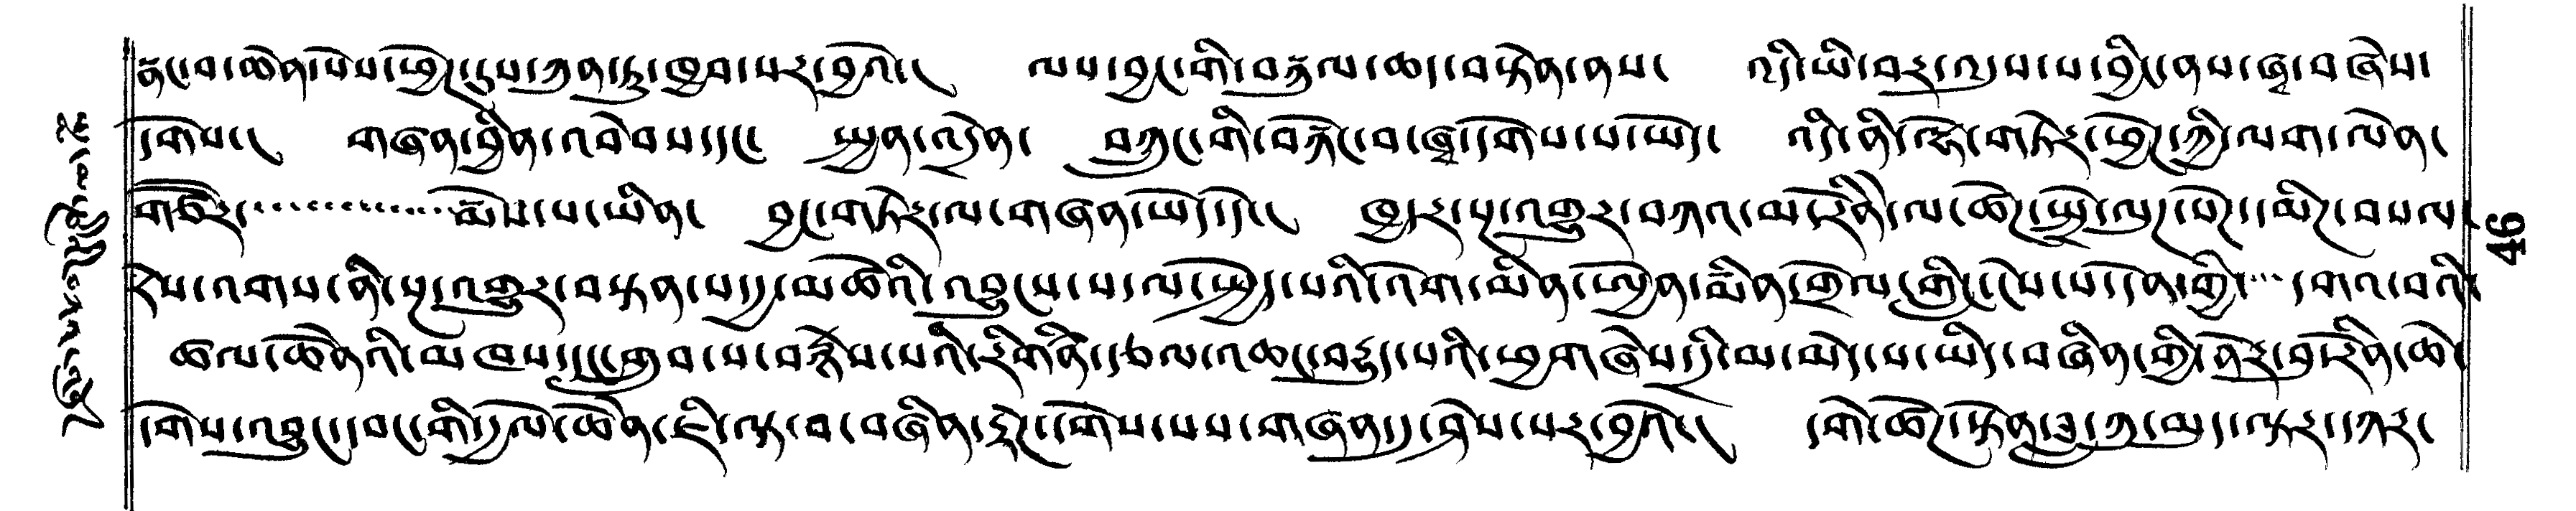སྣང་བ་ཆེན་པོས་ཕྱོགས་དུས་ཀུན་ཏུ་ཁྱབ་པར་བྱའོ། ལས་བྱང་གི་བསྐུལ་ཆད་བསྟན་ནས། འདི་ཡི་བར་འདུས་པ་བྱིངས་ནས་ཞྭ་བཞེས་
དགོས། གཞན་བྱིན་འབེབས་དང་། སྤྱན་འདྲེན། བཀའ་སྲུང་གི་བསྐོང་བ་བཅས་ལ་ཞྭ་དགོས་པ་ཡོད། འདི་ནི་ལྷོ་གཏེར་ཕྱོགས་ཀྱི་ལག་ལེན་
གཙོ་བོར་སྨོས་པ་ཡིན། བྱང་གཏེར་ལ་གཞན་ཡོད་དོ། ཁྱད་པར་སྔ་འགྱུར་བཀའ་མ་རིན་པོ་ཆེ་ལ་ཚོགས་སྤྲོ་ལུགས་སོགས་དམིགས་བསལ་
རེ་འགའ་ནི་སྔ་འགྱུར་བསྟན་པ་རྒྱ་མཚོའི་འབྱུང་གནས་ས་ལ་སྤྱོད་པའི་འོག་མིན་ཨོ་རྒྱན་སྨིན་གྲོལ་གླིང་ངེས་པ་དོན་གྱི་དགའ་བའི་
ཚལ་ཆེན་པོའི་མཁས་དང་གྲུབ་པ་བརྙེས་པའི་རིག་འཛིན་རྩལ་འཆང་བརྒྱུད་པའི་ཕྱག་བཞེས་དྲི་མ་མེད་པ་ཡིད་བཞིན་གྱི་ནོར་བུ་རིན་པོ་ཆེ་
དགོས་འབྱུང་དབང་གི་རྒྱལ་པོ་ཆེན་པོ་ཇི་ལྟ་བ་བཞིན་ལས་རྟོགས་དགོས་པས་གཞན་དུ་ཤེས་པར་བྱའོ།།དགེ་ཚོགས་སྟོན་ཟླ་ཀུ་མུད་ལྟར་དཀར་